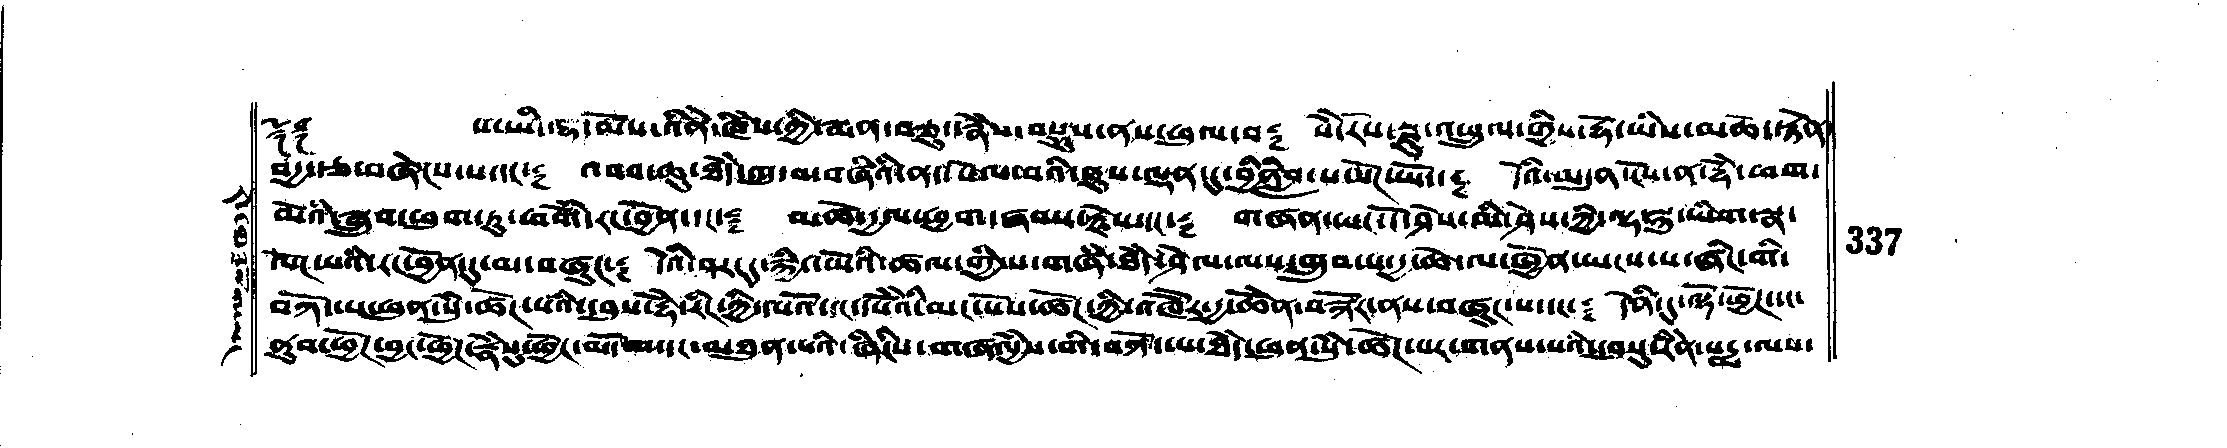ས་ཡི་ལྷ་མོས་འཇིག་རྟེན་ཁམས་ཀྱི་སྨན་བཅུད་རྣམས་བསྡུས་ནས་ཕུལ་བ། བཻ་རོས་རྫུ་འཕྲུལ་གྱིས་རྡོ་ཡིས་མཆོད་རྟེན་
བརྒྱ་རྩ་བཞེངས་པ་དང་། འབབ་ཆུ་ཐམས་ཅད་འདུ་བ་བཞིའི་ནད་སེལ་བའི་ནུས་ལྡན་དུ་བྱིན་གྱིས་རློབས་པ་སོགས་ཡོད། དེའི་མདུན་ངོས་ན་རྡོ་རྗེ་ཕག་
མོའི་སྒྲུབ་ཕུག་ཏུ་ཕག་མོ་རང་བྱོན་དང་། མཚོ་རྒྱལ་ཕྱག་ཞབས་རྗེས་དང་། གཞན་ཡང་ངོ་ཤེས་མི་ཤེས་ཀྱི་ལྷ་སྐུ་ཡིག་སྣ་
ལ་སོགས་པའི་རང་བྱོན་དུ་མ་བཞུགས། དེའི་ཤར་དུ་སྐྱེད་མོའི་ཚལ་གྱི་ས་གཞི་ཐམས་ཅད་ཤེལ་ལས་གྲུབ་པ་རྒྱ་ཆེ་ལ་ཁྱོན་ཡངས་པ་ཞིང་གི་
བཀོད་པ་ཕུན་སུམ་ཚོགས་པའི་དབུས་རྡོ་རྗེ་རིགས་ཀྱི་དཔའ་བོ་དང་དཔའ་མོ་མང་པོས་ཚོགས་ཀྱི་འཁོར་ལོ་རྒྱ་ཆེན་པོ་སྐོར་ནས་བཞུགས་པ་དང་། དེ་བཞིན་དུ་ལྷོ་ཕྱོགས་དང་
ནུབ་ཕྱོགས་བྱང་ཕྱོགས་རྣམས་སུ་ཕྱོགས་མདོག་དང་མཐུན་པའི་ཞིང་ཁམས་གཞལ་ཡས་ཁང་གི་བཀོད་པ་ཐམས་ཅད་ཕུན་སུམ་ཚོགས་པར་གནས་པའི་དབུས་སུ་རིན་ཆེན་པདྨ་ལས་